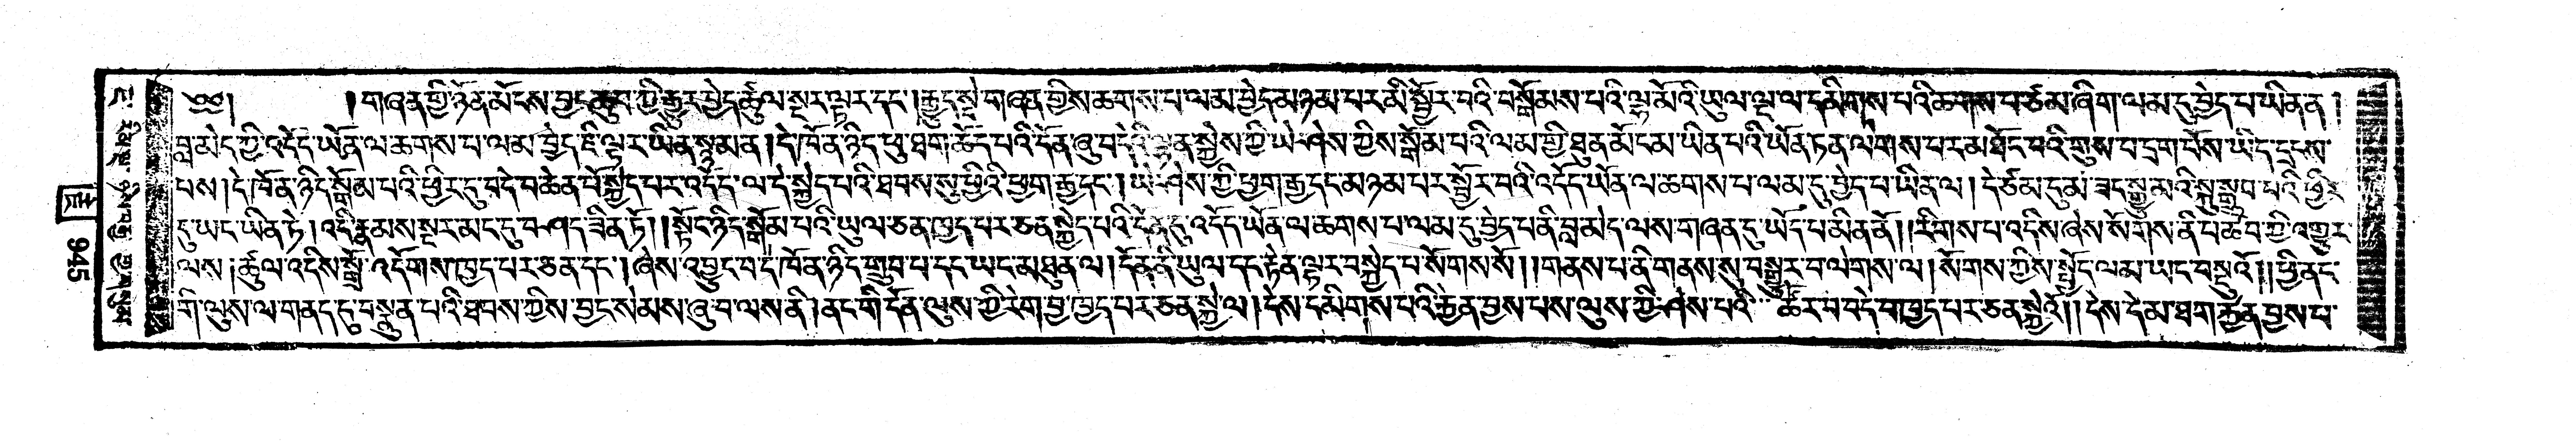༄༅། །གཞན་གྱི་ཉོན་མོངས་བྱང་ཆུབ་ཀྱི་རྒྱུར་བྱེད་ཚུལ་སྔར་ལྟར་དང་། རྒྱུད་སྡེ་གཞན་གྱིས་ཆགས་པ་ལམ་བྱེད་མཉམ་པར་མི་སྦྱོར་བའི་བསྒོམས་པའི་ལྷ་མོའི་ཡུལ་ལྔ་ལ་དམིགས་པའི་ཆགས་པ་ཙམ་ཞིག་ལམ་དུ་བྱེད་པ་ཡིན་ན།
བླ་མེད་ཀྱི་འདོད་ཡོན་ལ་ཆགས་པ་ལམ་བྱེད་ཇི་ལྟར་ཡིན་སྙམ་ན། དེ་ཁོ་ན་ཉིད་ཕུ་ཐག་ཆོད་པའི་དོན་ཞུ་བདེའི་ལྷན་སྐྱེས་ཀྱི་ཡེ་ཤེས་ཀྱིས་སྒོམ་པའི་ལམ་གྱི་ཐུན་མོང་མ་ཡིན་པའི་ཡོན་ཏན་ལེགས་པར་མཐོང་བའི་གུས་པ་དྲག་པོས་ཡིད་དྲངས་
པས། དེ་ཁོ་ན་ཉིད་སྒོམ་པའི་ཕྱིར་དུ་བདེ་བ་ཆེན་པོ་སྐྱེད་པར་འདོད་ལ་དེ་སྐྱེད་པའི་ཐབས་སུ་ཕྱིའི་ཕྱག་རྒྱ་དང་། ཡེ་ཤེས་ཀྱི་ཕྱག་རྒྱ་དང་མཉམ་པར་སྦྱོར་བའི་འདོད་ཡོན་ལ་ཆགས་པ་ལམ་དུ་བྱེད་པ་ཡིན་ལ། དེ་ཙམ་དུ་མ་ཟད་སྒྱུ་མའི་སྐུ་སྒྲུབ་པའི་ཕྱིར་
དུ་ཡང་ཡིན་ཏེ། འདི་རྣམས་སྔར་མང་དུ་བཤད་ཟིན་ཏོ། །སྟོང་ཉིད་སྒོམ་པའི་ཡུལ་ཅན་ཁྱད་པར་ཅན་སྐྱེད་པའི་དོན་དུ་འདོད་ཡོན་ལ་ཆགས་པ་ལམ་དུ་བྱེད་པ་ནི་བླ་མེད་ལས་གཞན་དུ་ཡོད་པ་མིན་ནོ། །རིགས་པ་འདིས་ཞེས་སོགས་ནི་པ་ཚབ་ཀྱི་འགྱུར་
ལས། ཚུལ་འདིས་སྒྲོ་འདོགས་ཁྱད་པར་ཅན་དང་། ཞེས་འབྱུང་བ་དེ་ཁོ་ན་ཉིད་གྲུབ་པ་དང་ཡང་མཐུན་ལ། དོན་ནི་ཡུལ་དང་རྟེན་ལྷར་བསྐྱེད་པ་སོགས་སོ། །གནས་པ་ནི་གནས་སུ་བསྒྱུར་བ་ལེགས་ལ། སོགས་ཀྱིས་སྤྱོད་ལམ་ཡང་བསྡུའོ། །ཕྱི་ནང་
གི་ལུས་ལ་གནད་དུ་བསྣུན་པའི་ཐབས་ཀྱིས་བྱང་སེམས་ཞུ་བ་ལས་ནི། ནང་གི་དོན་ལུས་ཀྱི་རེག་བྱ་ཁྱད་པར་ཅན་སྐྱེ་ལ། དེས་དམིགས་པའི་རྐྱེན་བྱས་པས་ལུས་ཀྱི་ཤེས་པའི་ཚོར་བ་བདེ་བ་ཁྱད་པར་ཅན་སྐྱེའོ། །དེས་དེ་མ་ཐག་རྐྱེན་བྱས་པ་